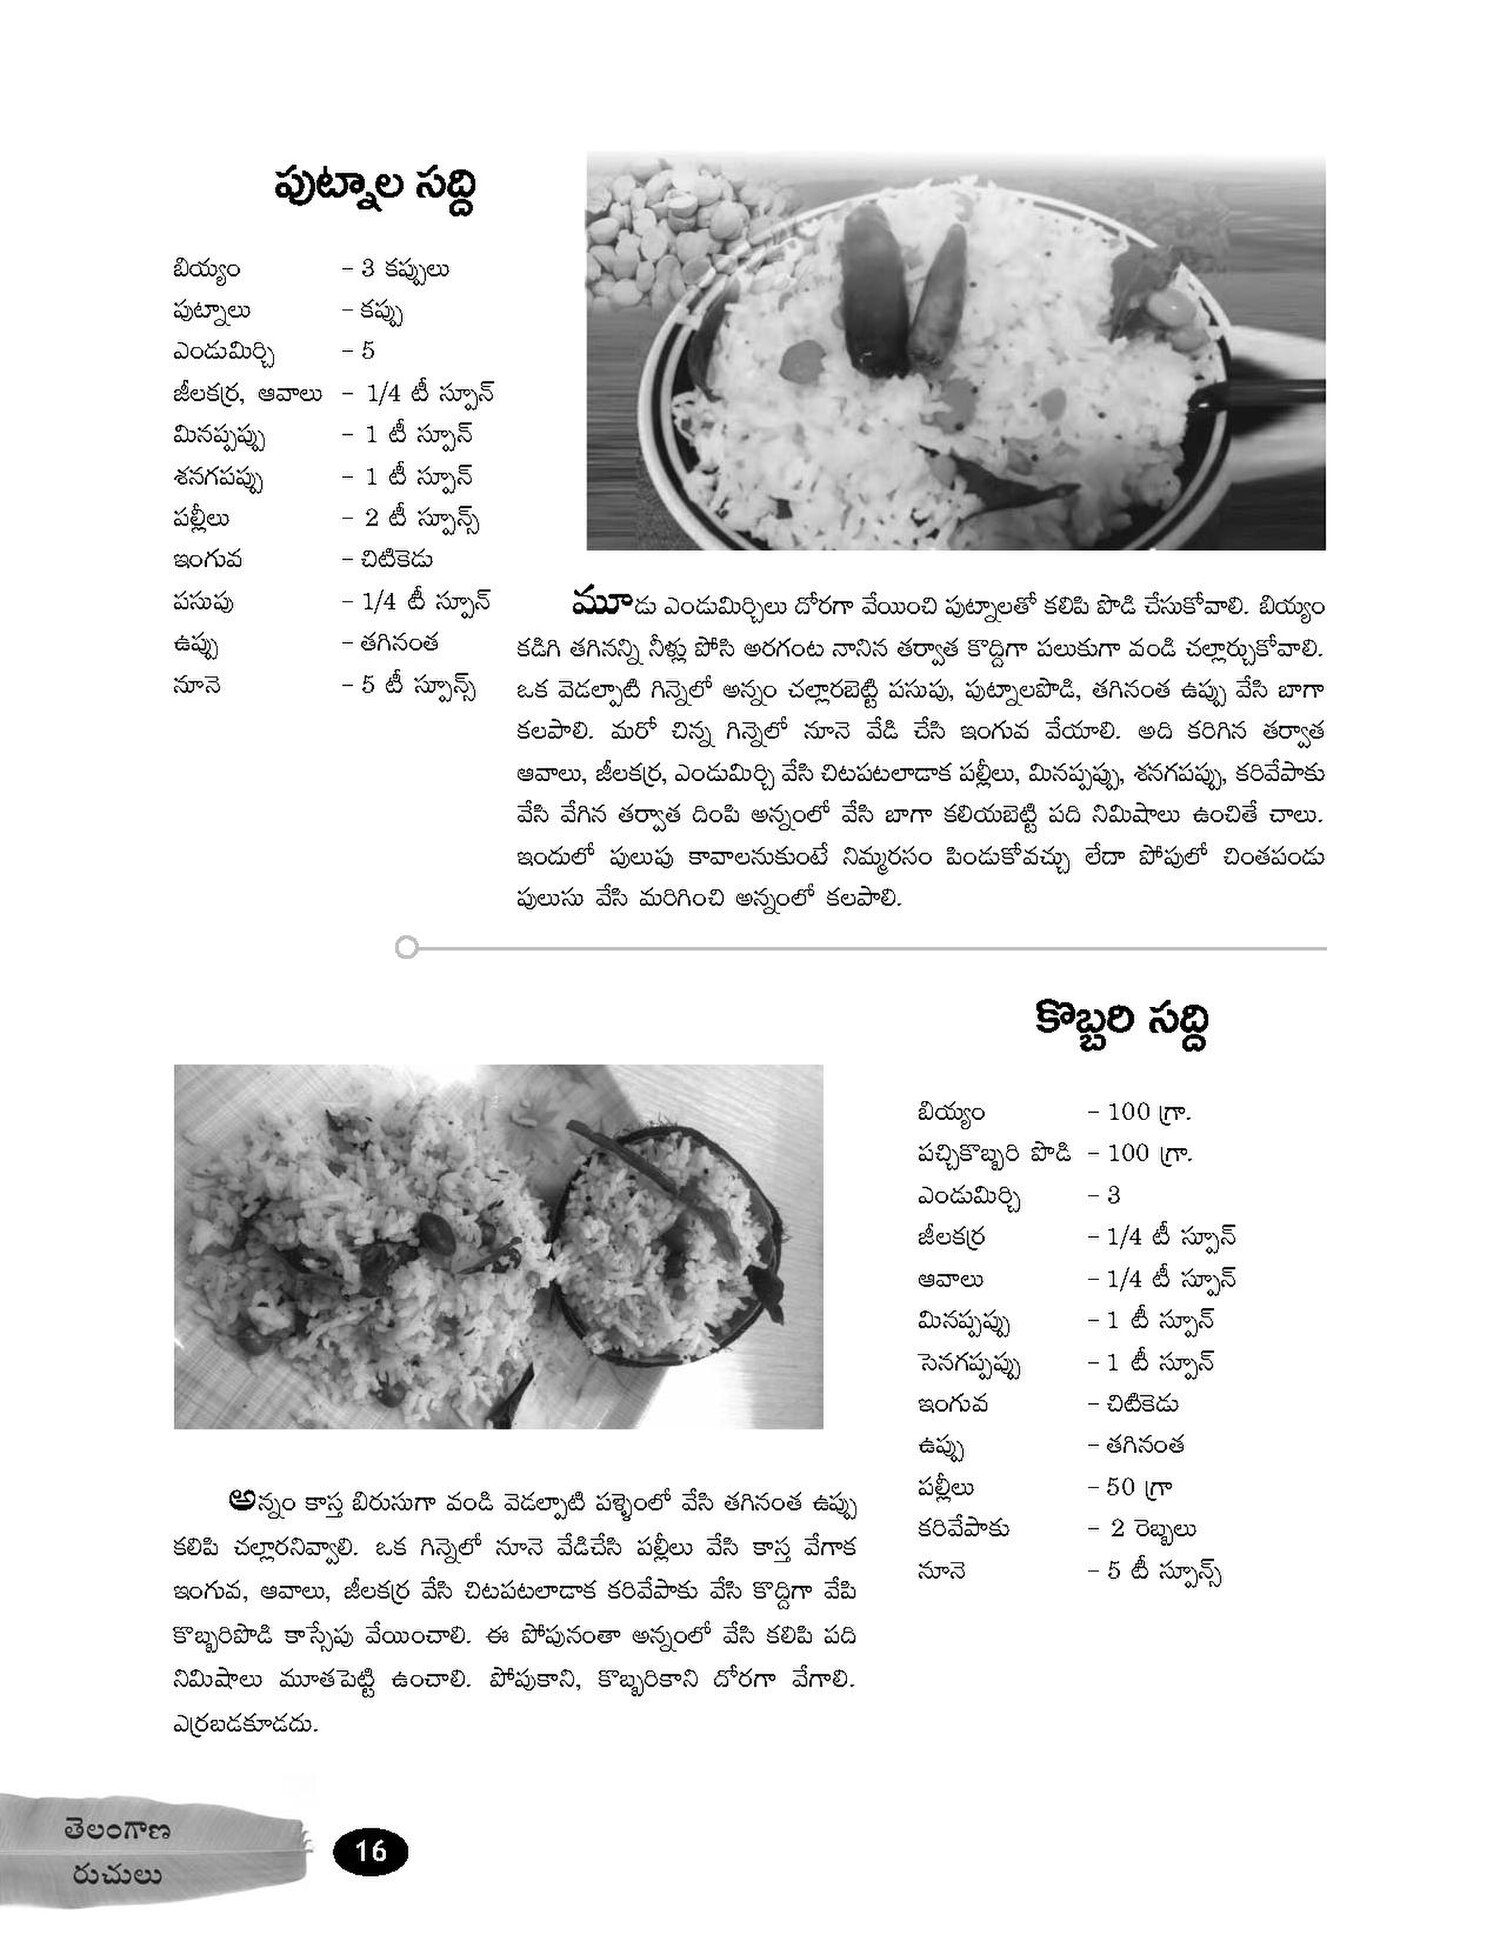+ పుట్నాల సద్ది శీర్షిక పాఠ్యం శీర్షిక పాఠ్యం బియ్యం 3 కప్పులు పుట్నాలు కప్పు ఎండుమిర్చి 5 జీలకర్ర, ఆవాలు 1/4 టీ స్పూన్ మినప్పప్పు 1 టీ స్పూన్ శనగపప్పు 1 టీ స్పూన్ పల్లీలు 2 టీ స్పూన్ ఇంగువ చిటికెడు పసుపు 1/4 టీ స్పూన్ ఉప్పు తగినంత నూనె 5 టీ స్పూన్
మూడు ఎండుమిర్చిలు దోరగా వేయించి పుట్నాలతో కలిపి పొడి చేసుకోవాలి. బియ్యం కడిగి తగినన్ని నీళ్లు పోసి అరగంట నానిన తర్వాత కొద్దిగా పలుకుగా వండి చల్లార్చుకోవాలి. ఒక వెడల్పాటి గిన్నెలో అన్నం చల్లారబెట్టి పసుపు, పుట్నాలపొడి, తగినంత ఉప్పు వేసి బాగా కలపాలి. మరో చిన్న గిన్నెలో నూనె వేడి చేసి ఇంగువ వేయాలి. అది కరిగిన తర్వాత ఆవాలు, జీలకర్ర, ఎండుమిర్చి వేసి చిటపటలాడాక పల్లీలు, మినప్పప్పు, శనగపప్పు, కరివేపాకు వేసి వేగిన తర్వాత దింపి అన్నంలో వేసి బాగా కలియబెట్టి పది నిమిషాలు ఉంచితే చాలు. ఇందులో పులుపు కావాలనుకుంటే నిమ్మరసం పిండుకోవచ్చు లేదా పోపులో చింతపండు పులుసు వేసి మరిగించి అన్నంలో కలపాలి.

+ కొబ్బరి సద్ది బియ్యం 100 గ్రా. పచ్చికొబ్బరి పొడి 100 గ్రా. ఎండు మిర్చి 3 జీలకర్ర 1/4 టీ స్పూన్ ఆవాలు 1/4 టీ స్పూన్ మినప్పప్పు 1 టీ స్పూన్ సెనగపప్పు 1 టీ స్పూన్ ఇంగువ చిటికెడు ఉప్పు తగినంత పల్లీలు 50 గ్రా. కరివేపాకు 2రెబ్బలు నూనె 5 టీ స్పూన్
అన్నం కాస్త బిరుసుగా వండి వెడల్పాటి పళ్ళెంలో వేసి తగినంత ఉప్పు కలిపి చల్లారనివ్వాలి. ఒక గిన్నెలో నూనె వేడిచేసి పల్లీలు వేసి కాస్త వేగాక ఇంగువ, ఆవాలు, జీలకర్ర వేసి చిటపటలాడాక కరివేపాకు వేసి కొద్దిగా వేపి కొబ్బరిపొడి కాస్సేపు వేయించాలి. ఈ పోపునంతా అన్నంలో వేసి కలిపి పది నిమిషాలు మూతపెట్టి ఉంచాలి. పోపుకాని, కొబ్బరికాని దోరగా వేగాలి. ఎర్రబడకూడదు.